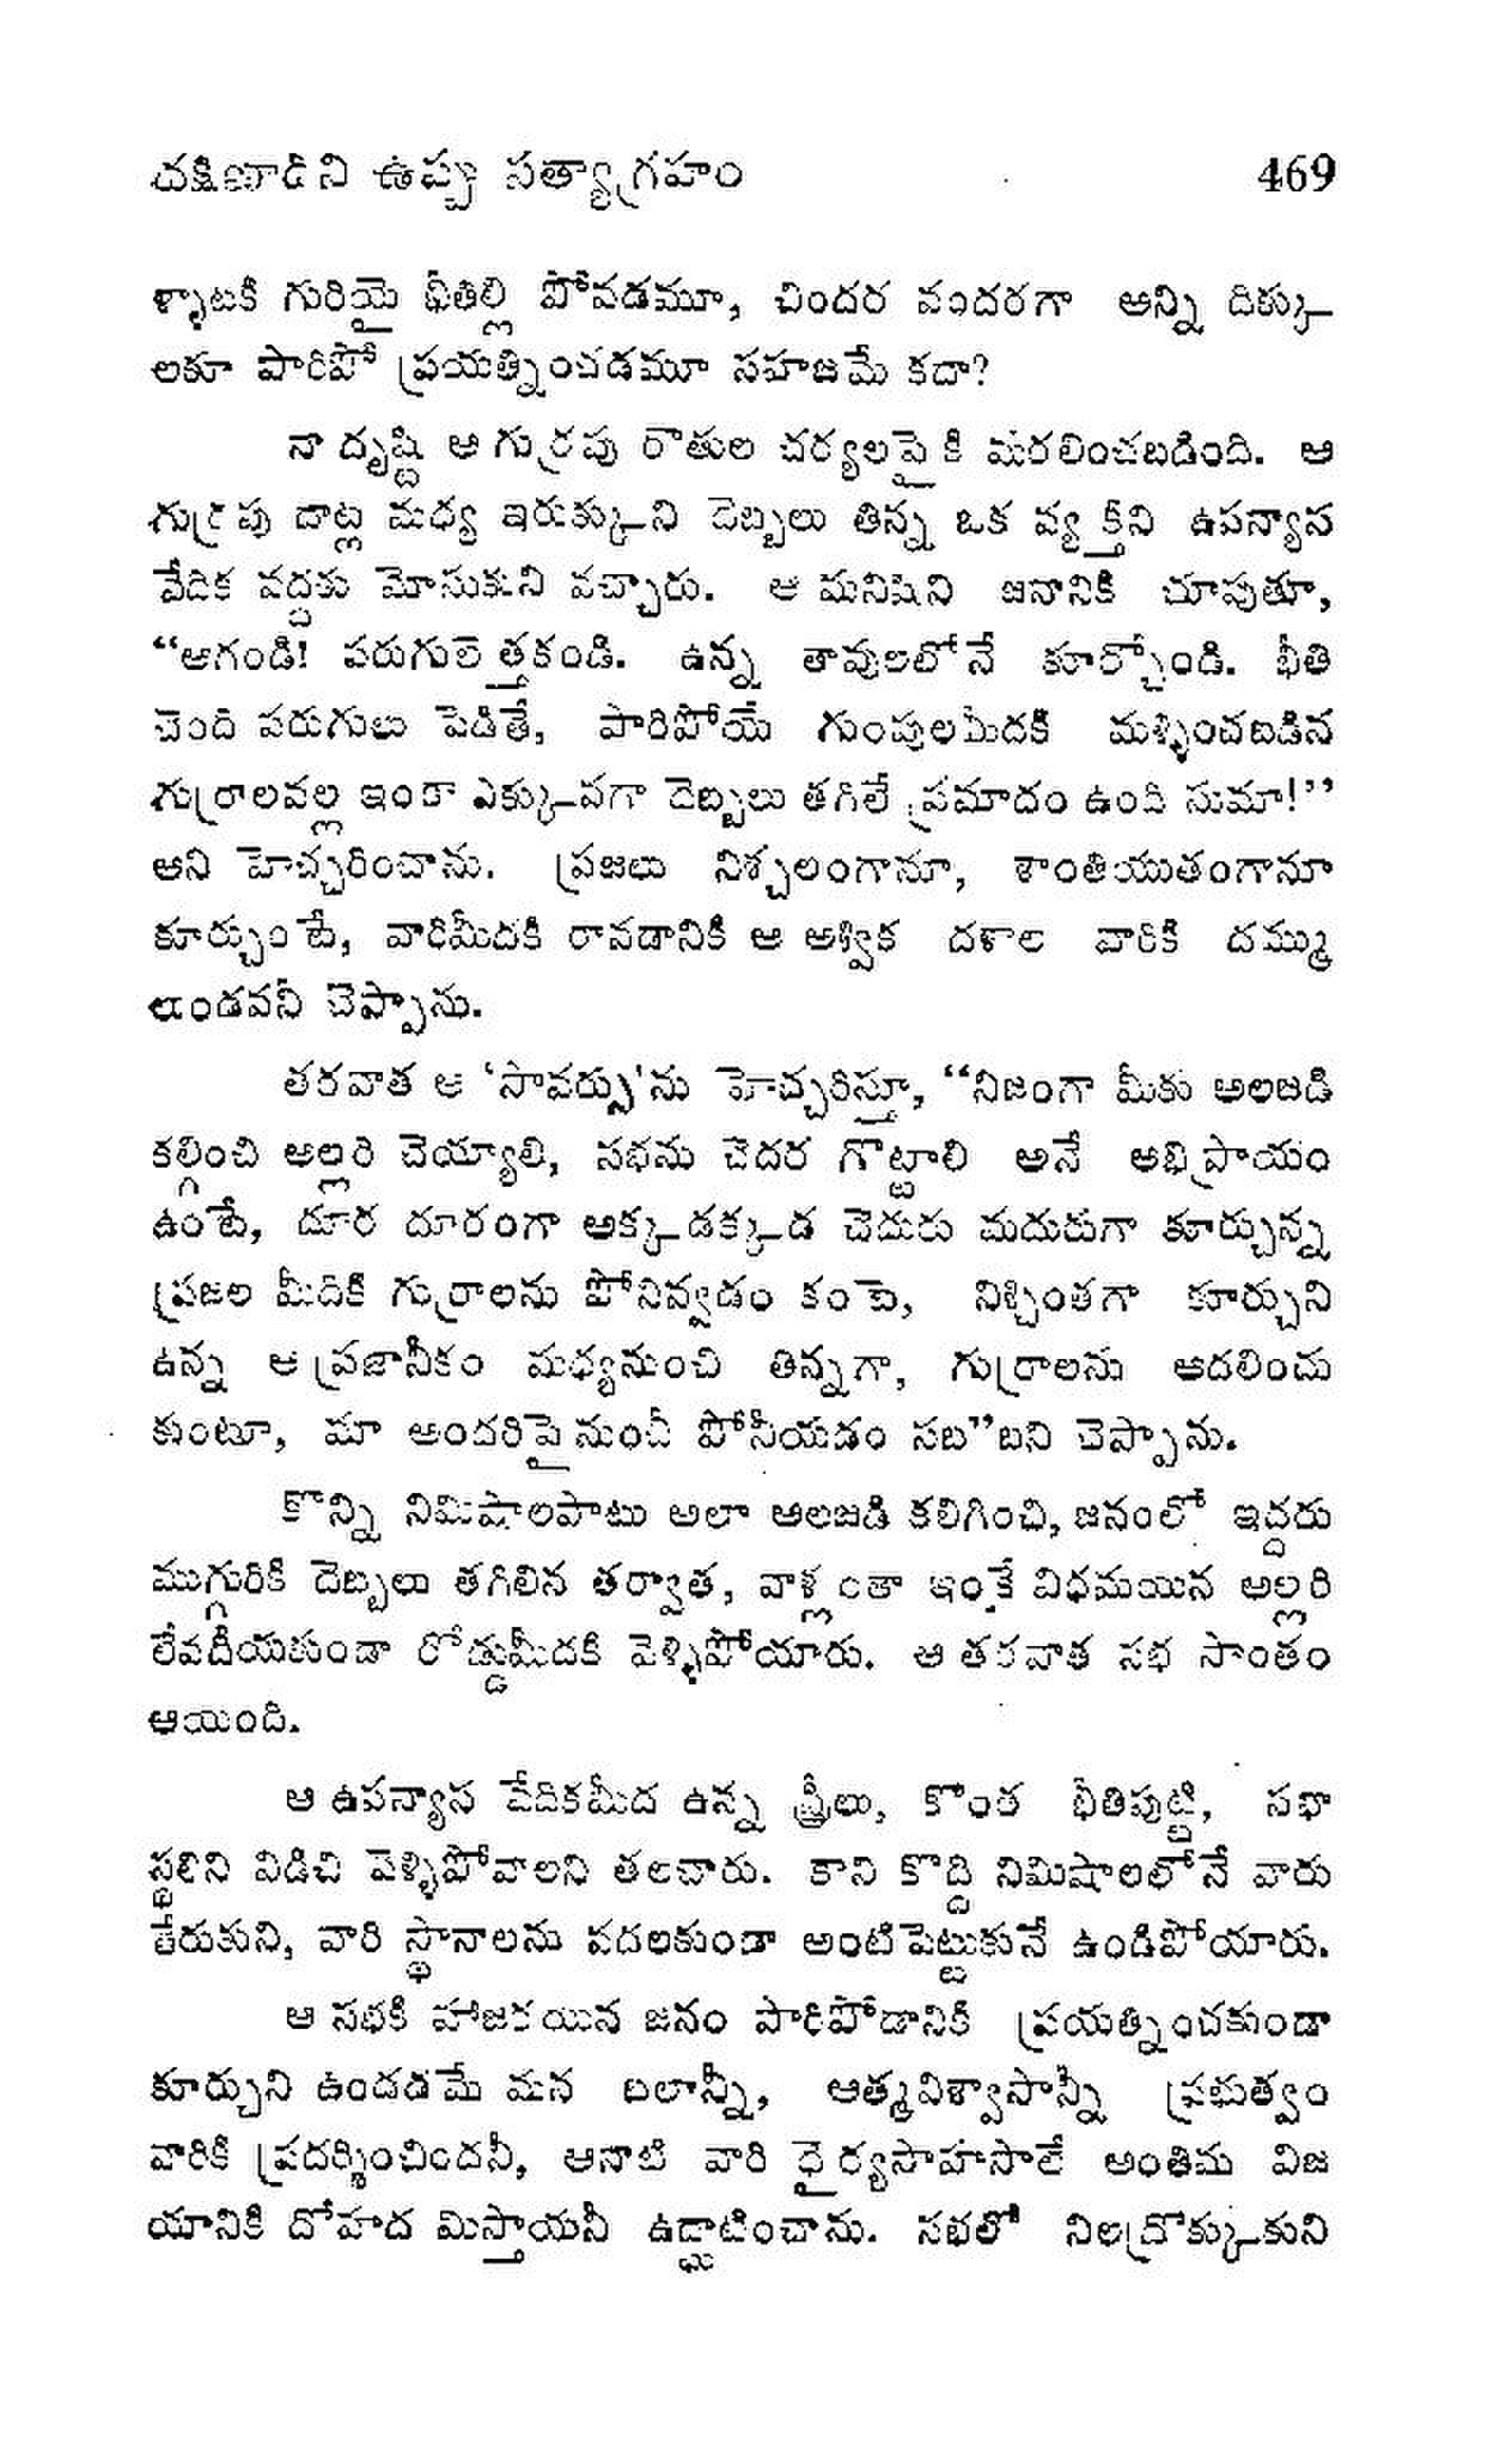ళ్ళాటకి గురియై భీతిల్లి పోవడమూ, చిందర వందరగా అన్ని దిక్కులకూ పారిపో ప్రయత్నించడమూ సహజమేకదా?

నా దృష్టి అ గుర్రపు రౌతుల చర్యలపైకి మరలించబడింది. ఆ గుర్రపు దాట్ల మధ్య ఇరుక్కుని దెబ్బలు తిన్న ఒక వ్యక్తిని ఉపన్యాస వేదిక వద్దకు మోసుకుని వచ్చారు. ఆ మనిషిని జనానికి చూపుతూ, "ఆగండి! పరుగులెత్తకండి. ఉన్న తావులలోనే కూర్చోండి. భీతిచెంది పరుగులు పెడితే, పారిపోయే గుంపులమీదకి మళ్ళించబడిన గుర్రాలవల్ల ఇంకా ఎక్కువగా దెబ్బలు తగిలే ప్రమాదం ఉంది సుమా!" అని హెచ్చరించాను. ప్రజలు నిశ్చలంగానూ, శాంతియుతంగానూ కూర్చుంటే, వారిమీదకి రావడానికి ఆ ఆశ్విక దళాల వారికి దమ్ము లుండవనీ చెప్పాను.

తరవాత ఆ 'సావర్సు'ను హెచ్చరిస్తూ, "నిజంగా మీకు అలజడి కల్గించి అల్లరి చెయ్యాలి, సభను చెదర గొట్టాలి అనే అభిప్రాయం ఉంటే, దూర దూరంగా అక్కడక్కడ చెదురు మదురుగా కూర్చున్న ప్రజల మీదికి గుర్రాలను పోనివ్వడం కంటె, నిశ్చింతగా కూర్చుని ఉన్న ఆ ప్రజానీకం మధ్యనుంచి తిన్నగా, గుర్రాలను అదలించుకుంటూ, మా అందరిపై నుంచీ పోనీయడం సబ"బని చెప్పాను.

కొన్ని నిమిషాలపాటు అలా అలజడి కలిగించి, జనంలో ఇద్దరు ముగ్గురికి దెబ్బలు తగిలిన తర్వాత, వాళ్లంతా ఇంకే విధమయిన అల్లరి లేవదీయకుండా రోడ్డుమీదకి వెళ్ళిపోయారు. ఆ తరవాత సభ సాంతం అయింది.

ఆ ఉపన్యాస వేదికమీద ఉన్న స్త్రీలు, కొంత భీతిపుట్టి, సభాస్థలిని విడిచి వెళ్ళిపోవాలని తలచారు. కాని కొద్ది నిమిషాలలోనే వారు తేరుకుని, వారి స్థానాలను వదలకుండా అంటిపెట్టుకునే ఉండిపోయారు.

ఆ సభకి హాజరయిన జనం పారిపోవడానికి ప్రయత్నించకుండా కూర్చుని ఉండడమే మన బలాన్నీ, ఆత్మవిశ్వాసాన్నీ ప్రభుత్వం వారికి ప్రదర్శించిందనీ, ఆనాటి వారి ధైర్యసాహసాలే అంతిమ విజయానికి దోహద మిస్తాయనీ ఉద్ఘాటించాను. సభలో నిలద్రొక్కుకుని